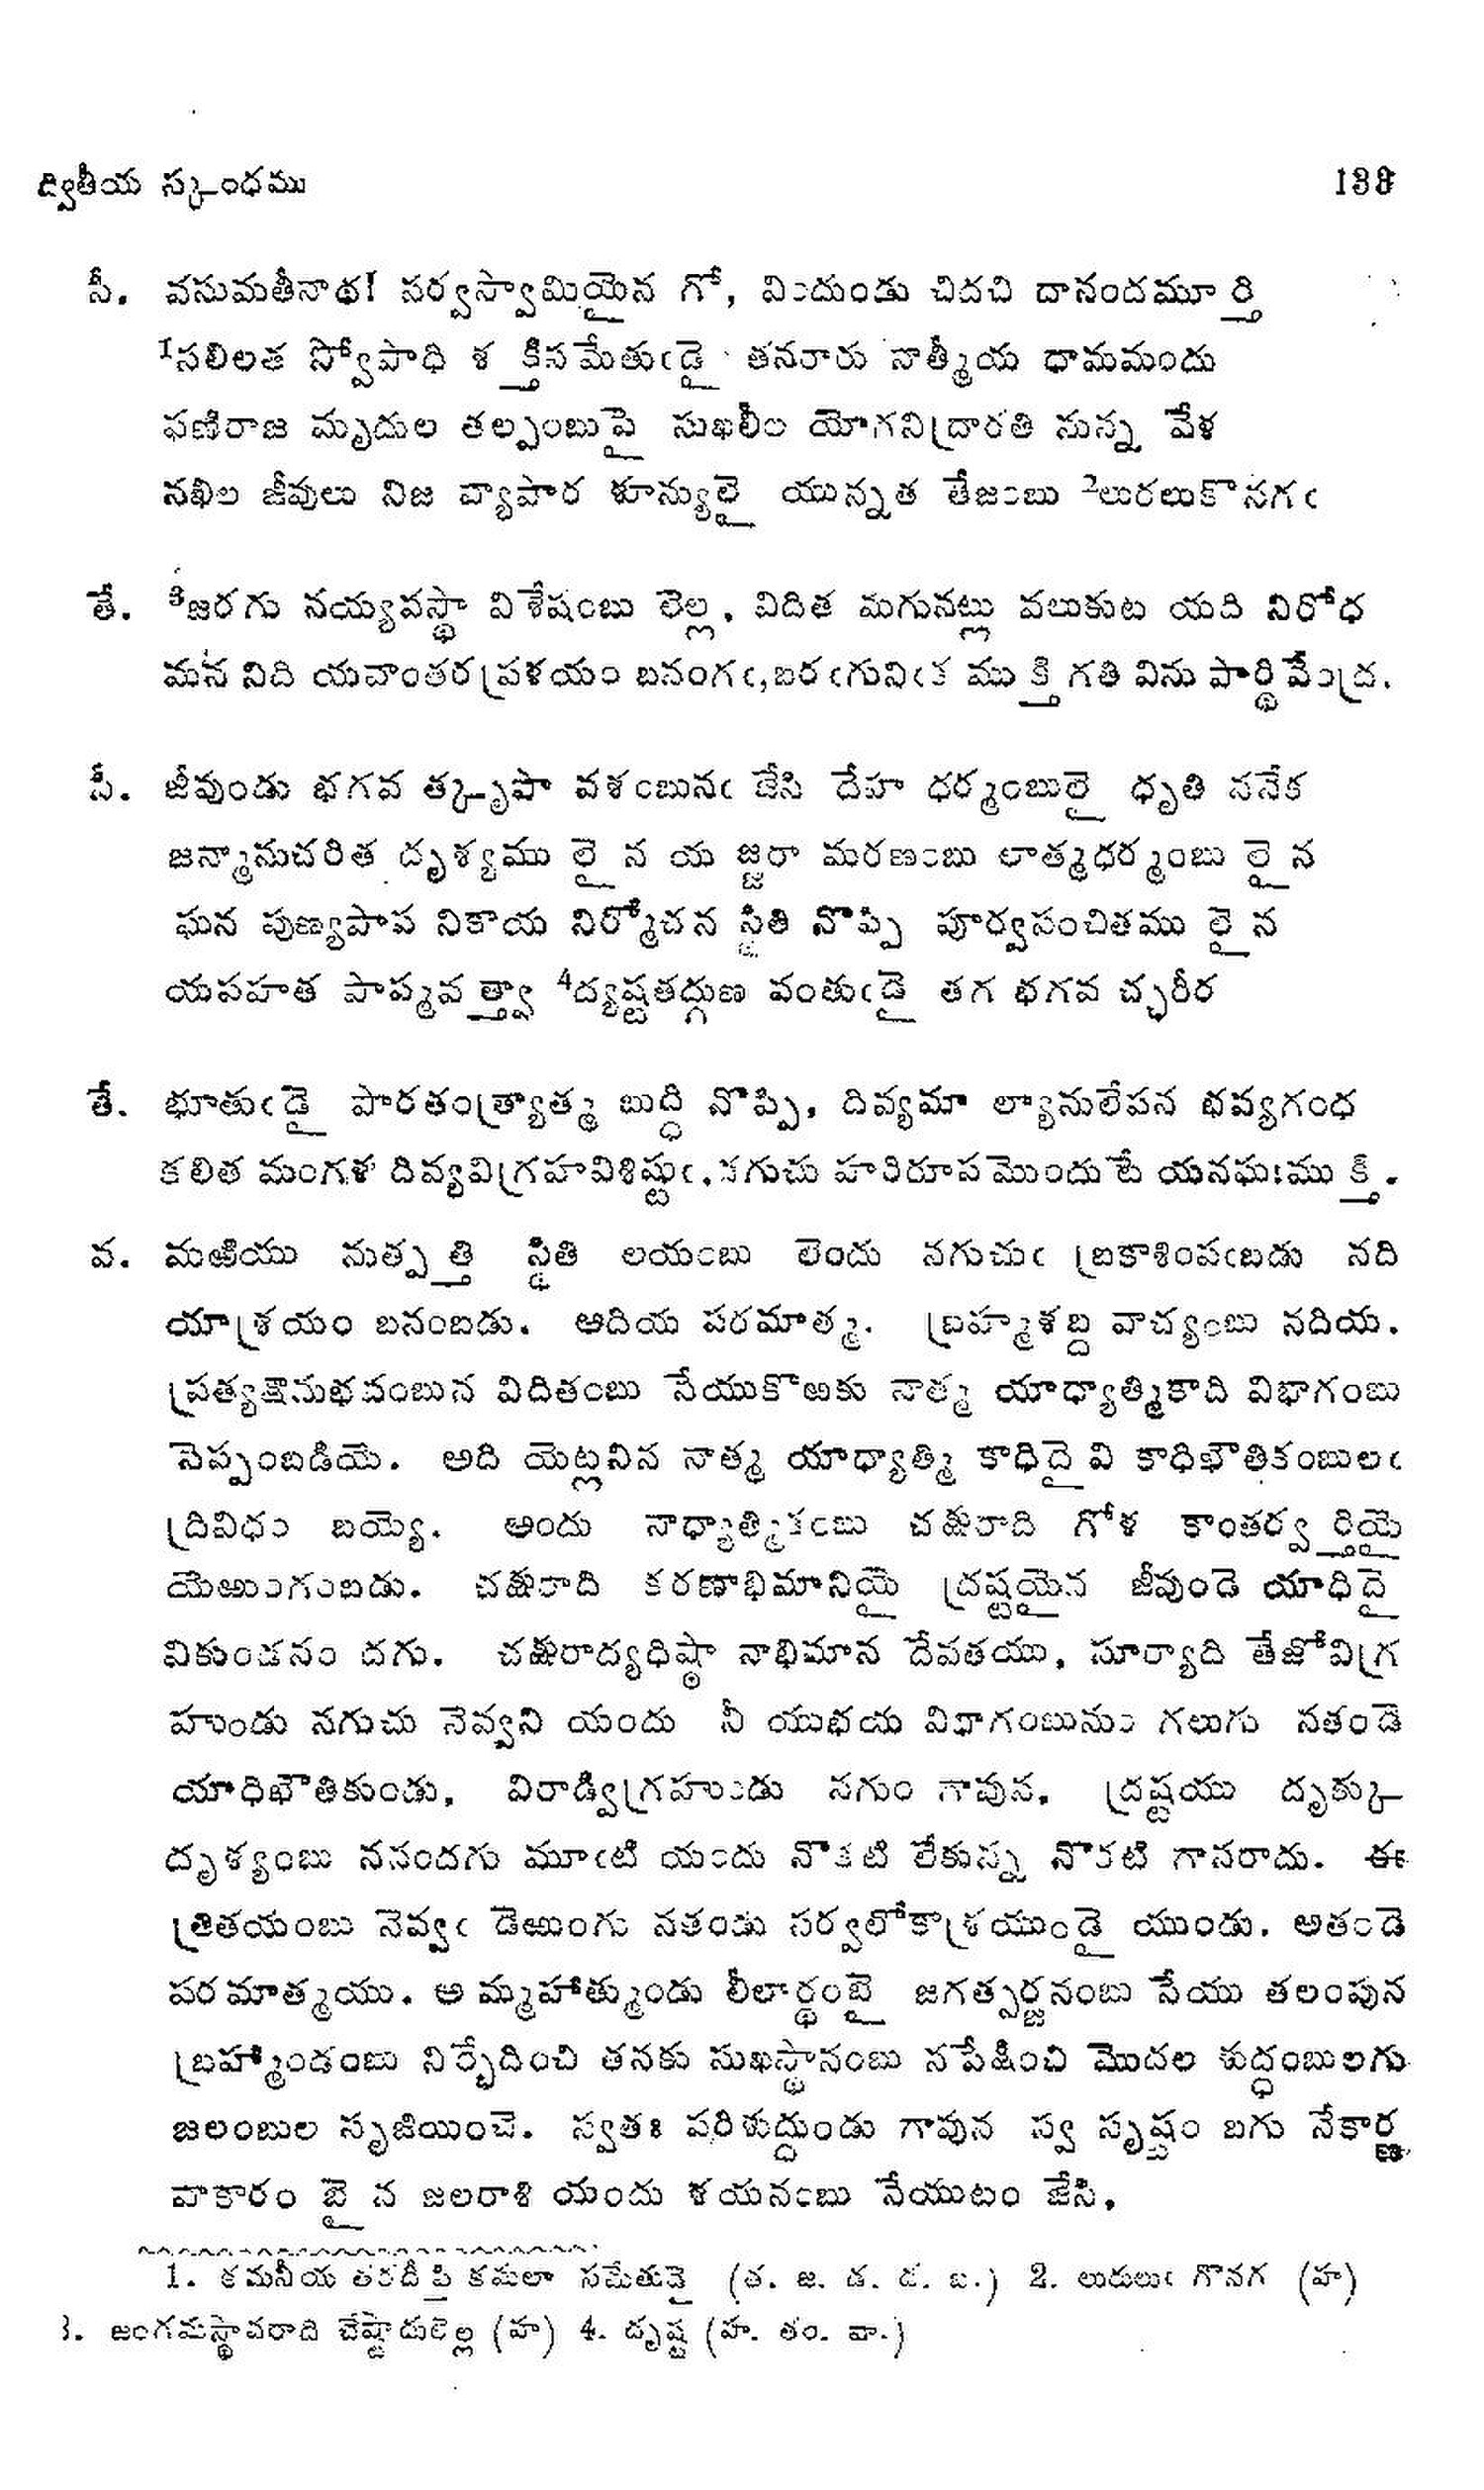133

సీ. వసుమతీనాథ! సర్వస్వామియైన గో, విందుండు చిదచి దానందమూర్తి

సలలిత స్వోపాధి శక్తిసమేతుఁడై తనరారు నాత్మీయ ధామమందు

ఫణిరాజు మృదుల తల్పంబుపై సుఖలీల యోగనిద్రారతి నున్న వేళ

నఖిల జీవులు నిజ వ్యాపార శూన్యులై యున్నత తేజంబు లురలుకొనగఁ

తే. జరగు నయ్యవస్థా విశేషంబు లెల్ల, విదిత మగునట్లు వలుకుట యది నిరోధ

మన నిది యవాంతరప్రళయం బనంగఁ, బరఁగునిఁక ముక్తిగతి విను పార్థివేంద్ర. (266)

సీ. జీవుండు భగవత్కృపా వశంబునఁ జేసి దేహ ధర్మంబులై ధృతి ననేక

జన్మానుచరిత దృశ్యము లైన య జ్జరా మరణంబు లాత్మధర్మంబు లైన

ఘన పుణ్యపాప నికాయ నిర్మోచన స్థితి నొప్పి పూర్వసంచితము లైన

యపహత పాప్మవత్త్వా ద్యష్టతద్గుణ వంతుఁడై తగ భగవ చ్ఛరీర

తే. భూతుఁడై పారతంత్య్రాత్మ బుద్ధి నొప్పి, దివ్యమా ల్యానులేపన భవ్యగంధ

కలిత మంగళ దివ్యవిగ్రహవిశిష్టుఁ, డగుచు హరిరూపమొందుటే యనుఘ! ముక్తి. (267)

వ. మఱియు నుత్పత్తి స్థితి లయంబు లెందు నగుచుఁ బ్రకాశింపఁబడు నది యాశ్రయంబనంబడు. అదియ పరమాత్మ. బ్రహ్మశబ్ద వాచ్యంబు నదియ. ప్రత్యక్షాను భవంబున విదితంబు 

సేయుకొఱకు నాత్మ యాధ్యాత్మికాది విభాగంబు సెప్పంబడియె. అది యెట్లనిన నాత్మ యాధ్యాత్మి కాధిదైవి కాధిభౌతికంబులఁ ద్రివధంబయ్యె. అందు నాధ్యాత్మికంబు చక్షురాది గోళ 

కాంతర్వర్తియై యెఱుంగంబడు. చక్షురాది కరణాభిమానియై ద్రష్టయైన జీవుండె యాధిదైవికుండనం దగు. చక్షురాద్యధిష్ఠా నాభిమాన దేవతయు, సూర్యాది తేజోవిగ్రహుండు న్గుచు నెవ్వని 

యందు నీ యుభయ విభాగంబునుం గలుగు నతండె యాధిభౌతికుండు, విరాడ్వి గ్రహుండు నగుం గావున, ద్రష్టము దృక్కు దృశ్యంబు ననందగు మూఁటి యందు నొకటి లేకున్న నొకటి 

గానరాదు. ఈ త్రితయంబు నెవ్వఁ డెఱుంగునతండు సర్వలోకాశ్రయుండై యుండు. అతండె పరమాత్మయు. అ మ్మహాత్ముండు లీలర్థంబై జగత్సర్జనంబు సేయు తలంపున బ్రహ్మాండంబు 

నిర్భేదించి తనకు సుఖస్థానంబు నపేక్షించి మొదల శుద్ధంబులగు జలంబుల సృజియించె. స్వతః పరిశుద్ధుండు గావున స్వ సృష్టం బగు నేకార్ణ వాకారం బైన జలరాశి యందు శయనంబు 

సేయుటం జేసి.